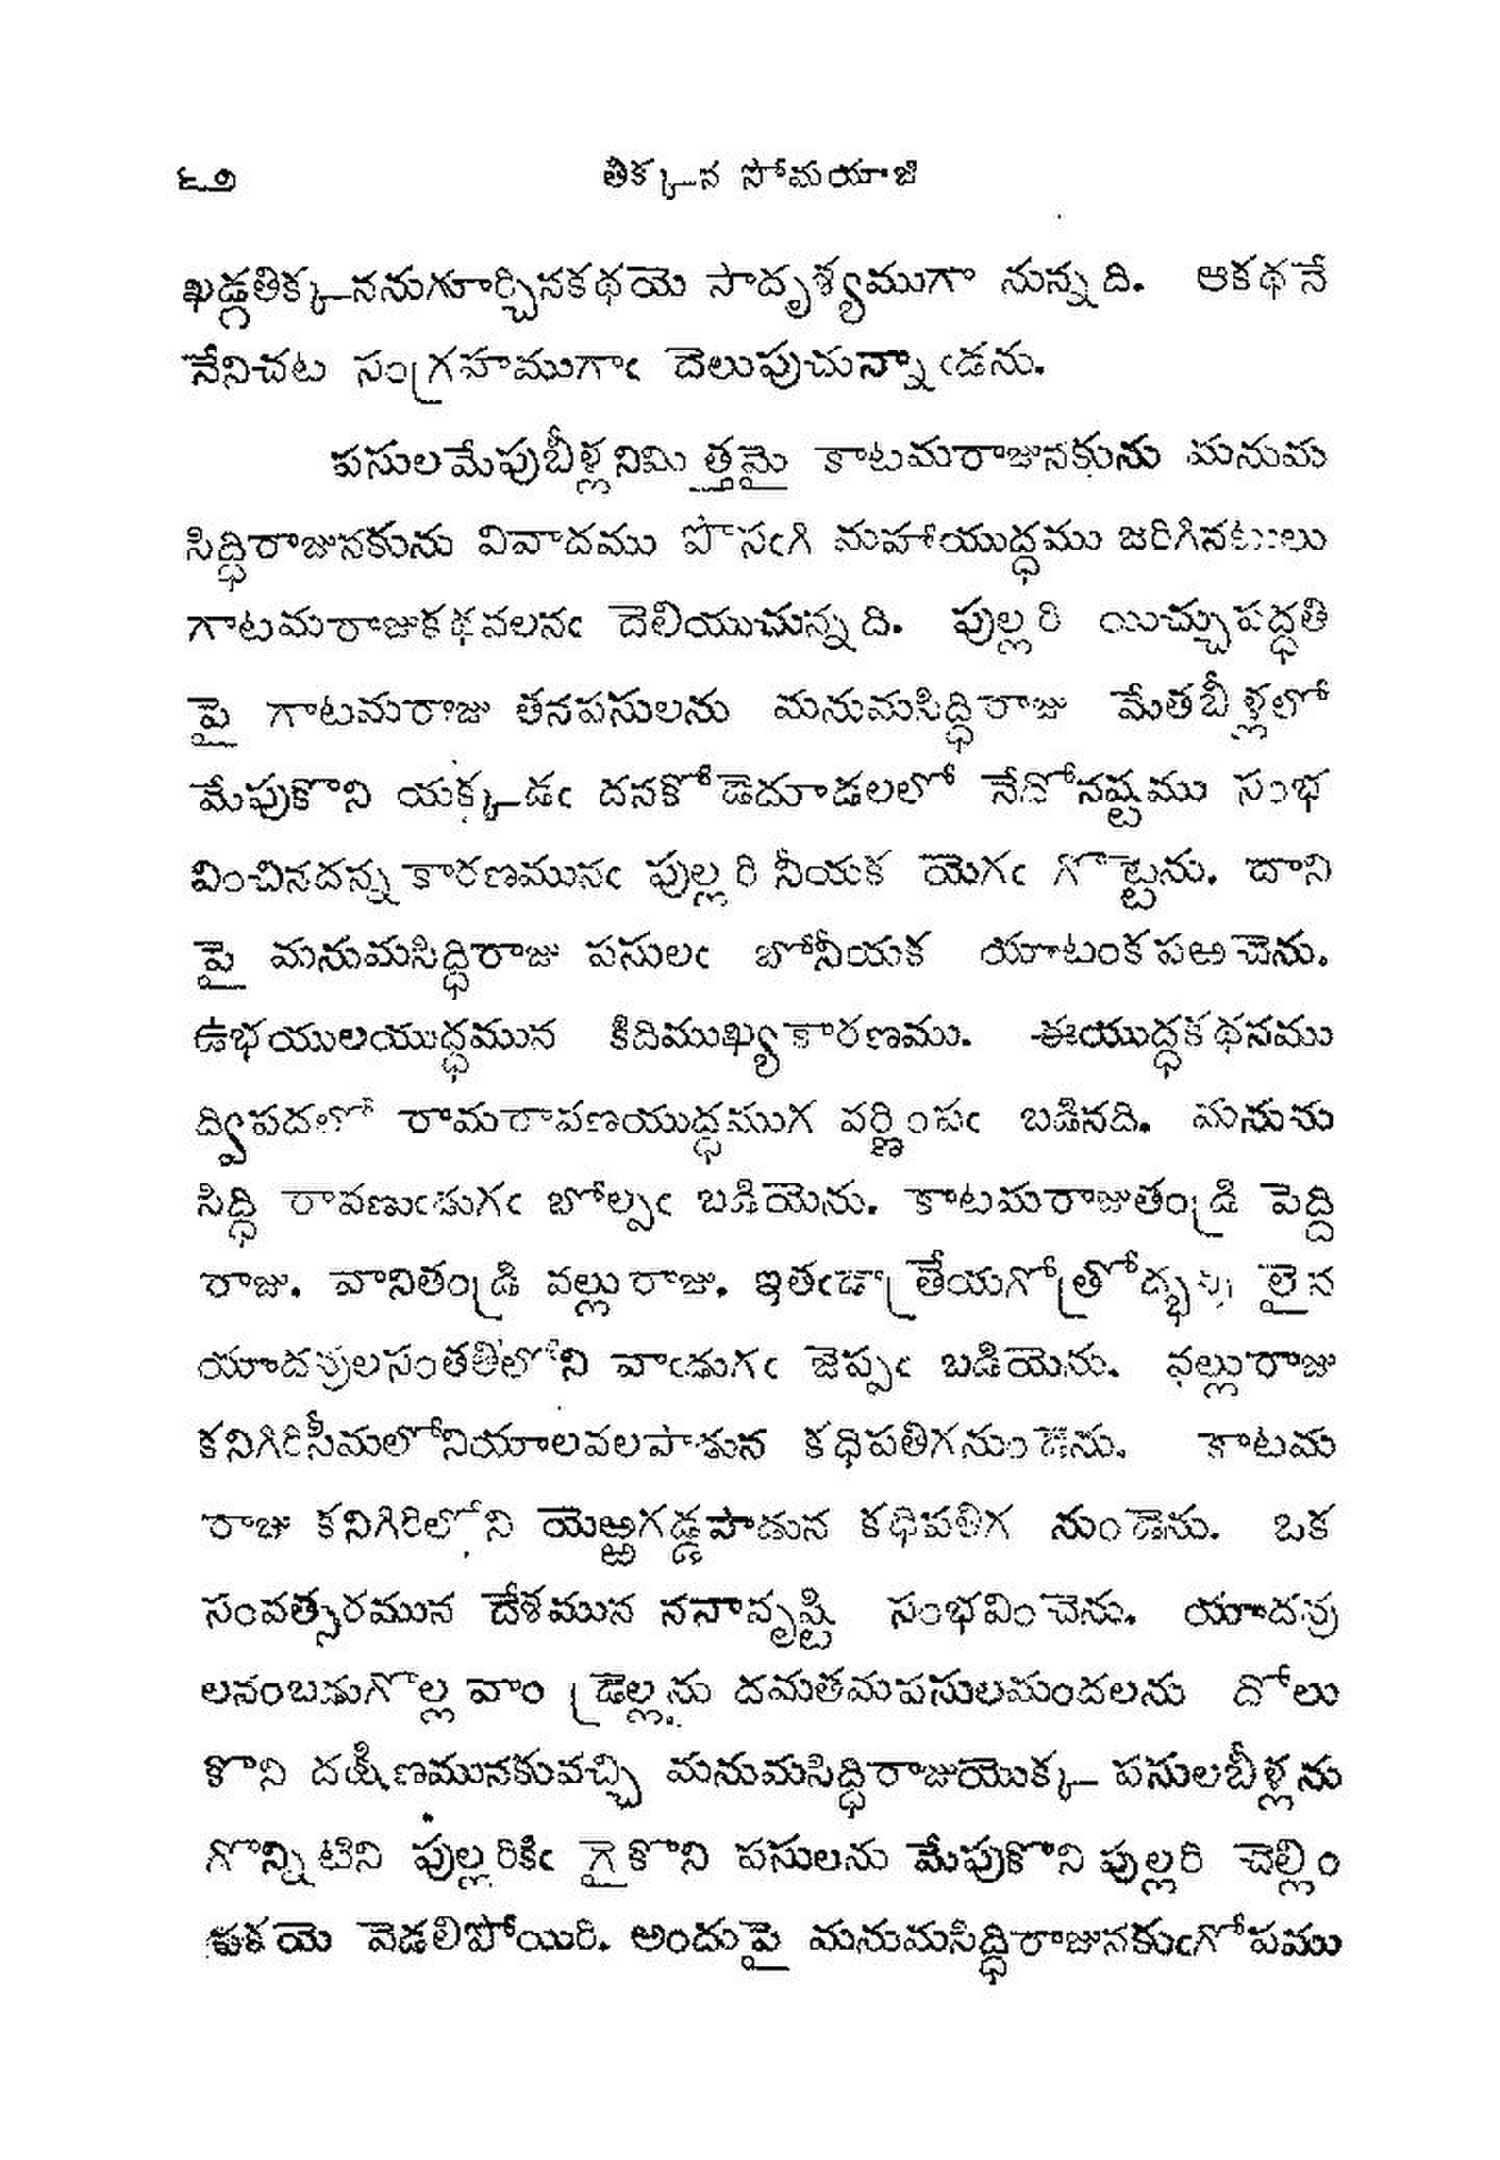ఖడ్గతిక్కననుగూర్చినకథయె సాదృశ్యముగా నున్నది. ఆకథనే నేనిచట సంగ్రహముగాఁ దెలుపుచున్నాఁడను.

పసులమేపుబీళ్లనిమిత్తమై కాటమరాజునకును మనుమసిద్దిరాజునకును వివాదము పొసఁగి మహాయుద్ధము జరిగినటులు గాటమరాజుకథవలనఁ దెలియుచున్నది. పుల్లరి యిచ్చుపద్దతి పై గాటమరాజు తనపసులను మనుమసిద్దిరాజు మేతబీళ్లలో మేపుకొని యక్కడఁ దనకోడెదూడలలో నేదోనష్టము సంభవించినదన్న కారణమునఁ పుల్లరి నీయక యెగఁ గొట్టెను. దాని పై మనుమసిద్దిరాజు పసులఁ బోనీయక యాటంకపఱచెను. ఉభయులయుద్ధమున కిదిముఖ్య కారణము. ఈ యుద్ధకథనము ద్విపదలో రామరావణయుద్ధముగ వర్ణింపఁ బడినది. మనుమసిద్ది రావణుఁడుగఁ బోల్పఁ బడియెను. కాటమరాజుతండ్రి పెద్దిరాజు. వానితండ్రి వల్లురాజు. ఇతఁడాత్రేయగోత్రోద్భవు లైన యాదవులసంతతిలోని వాఁడుగఁ జెప్పఁ బడియెను. వల్లురాజు కనిగిరిసీమలోనియాలవలపాడున కధిపతిగనుండెను. కాటమరాజు కనిగిరిలోని యెఱ్ఱగడ్డపాడున కధిపతిగ నుండెను. ఒక సంవత్సరమున దేశమున ననావృష్టి సంభవించెను. యాదవు లనంబడుగొల్లవాం డ్రెల్లను దమతమపసులమందలను దోలుకొని దక్షిణమునకువచ్చి మనుమసిద్దిరాజుయొక్క పసులబీళ్లను గొన్నిటిని పుల్లరికిఁ గైకొని పసులను మేపుకొని పుల్లరి చెల్లింపకయె వెడలిపోయిరి. అందుపై మనుమసిద్దిరాజునకుఁగోపము